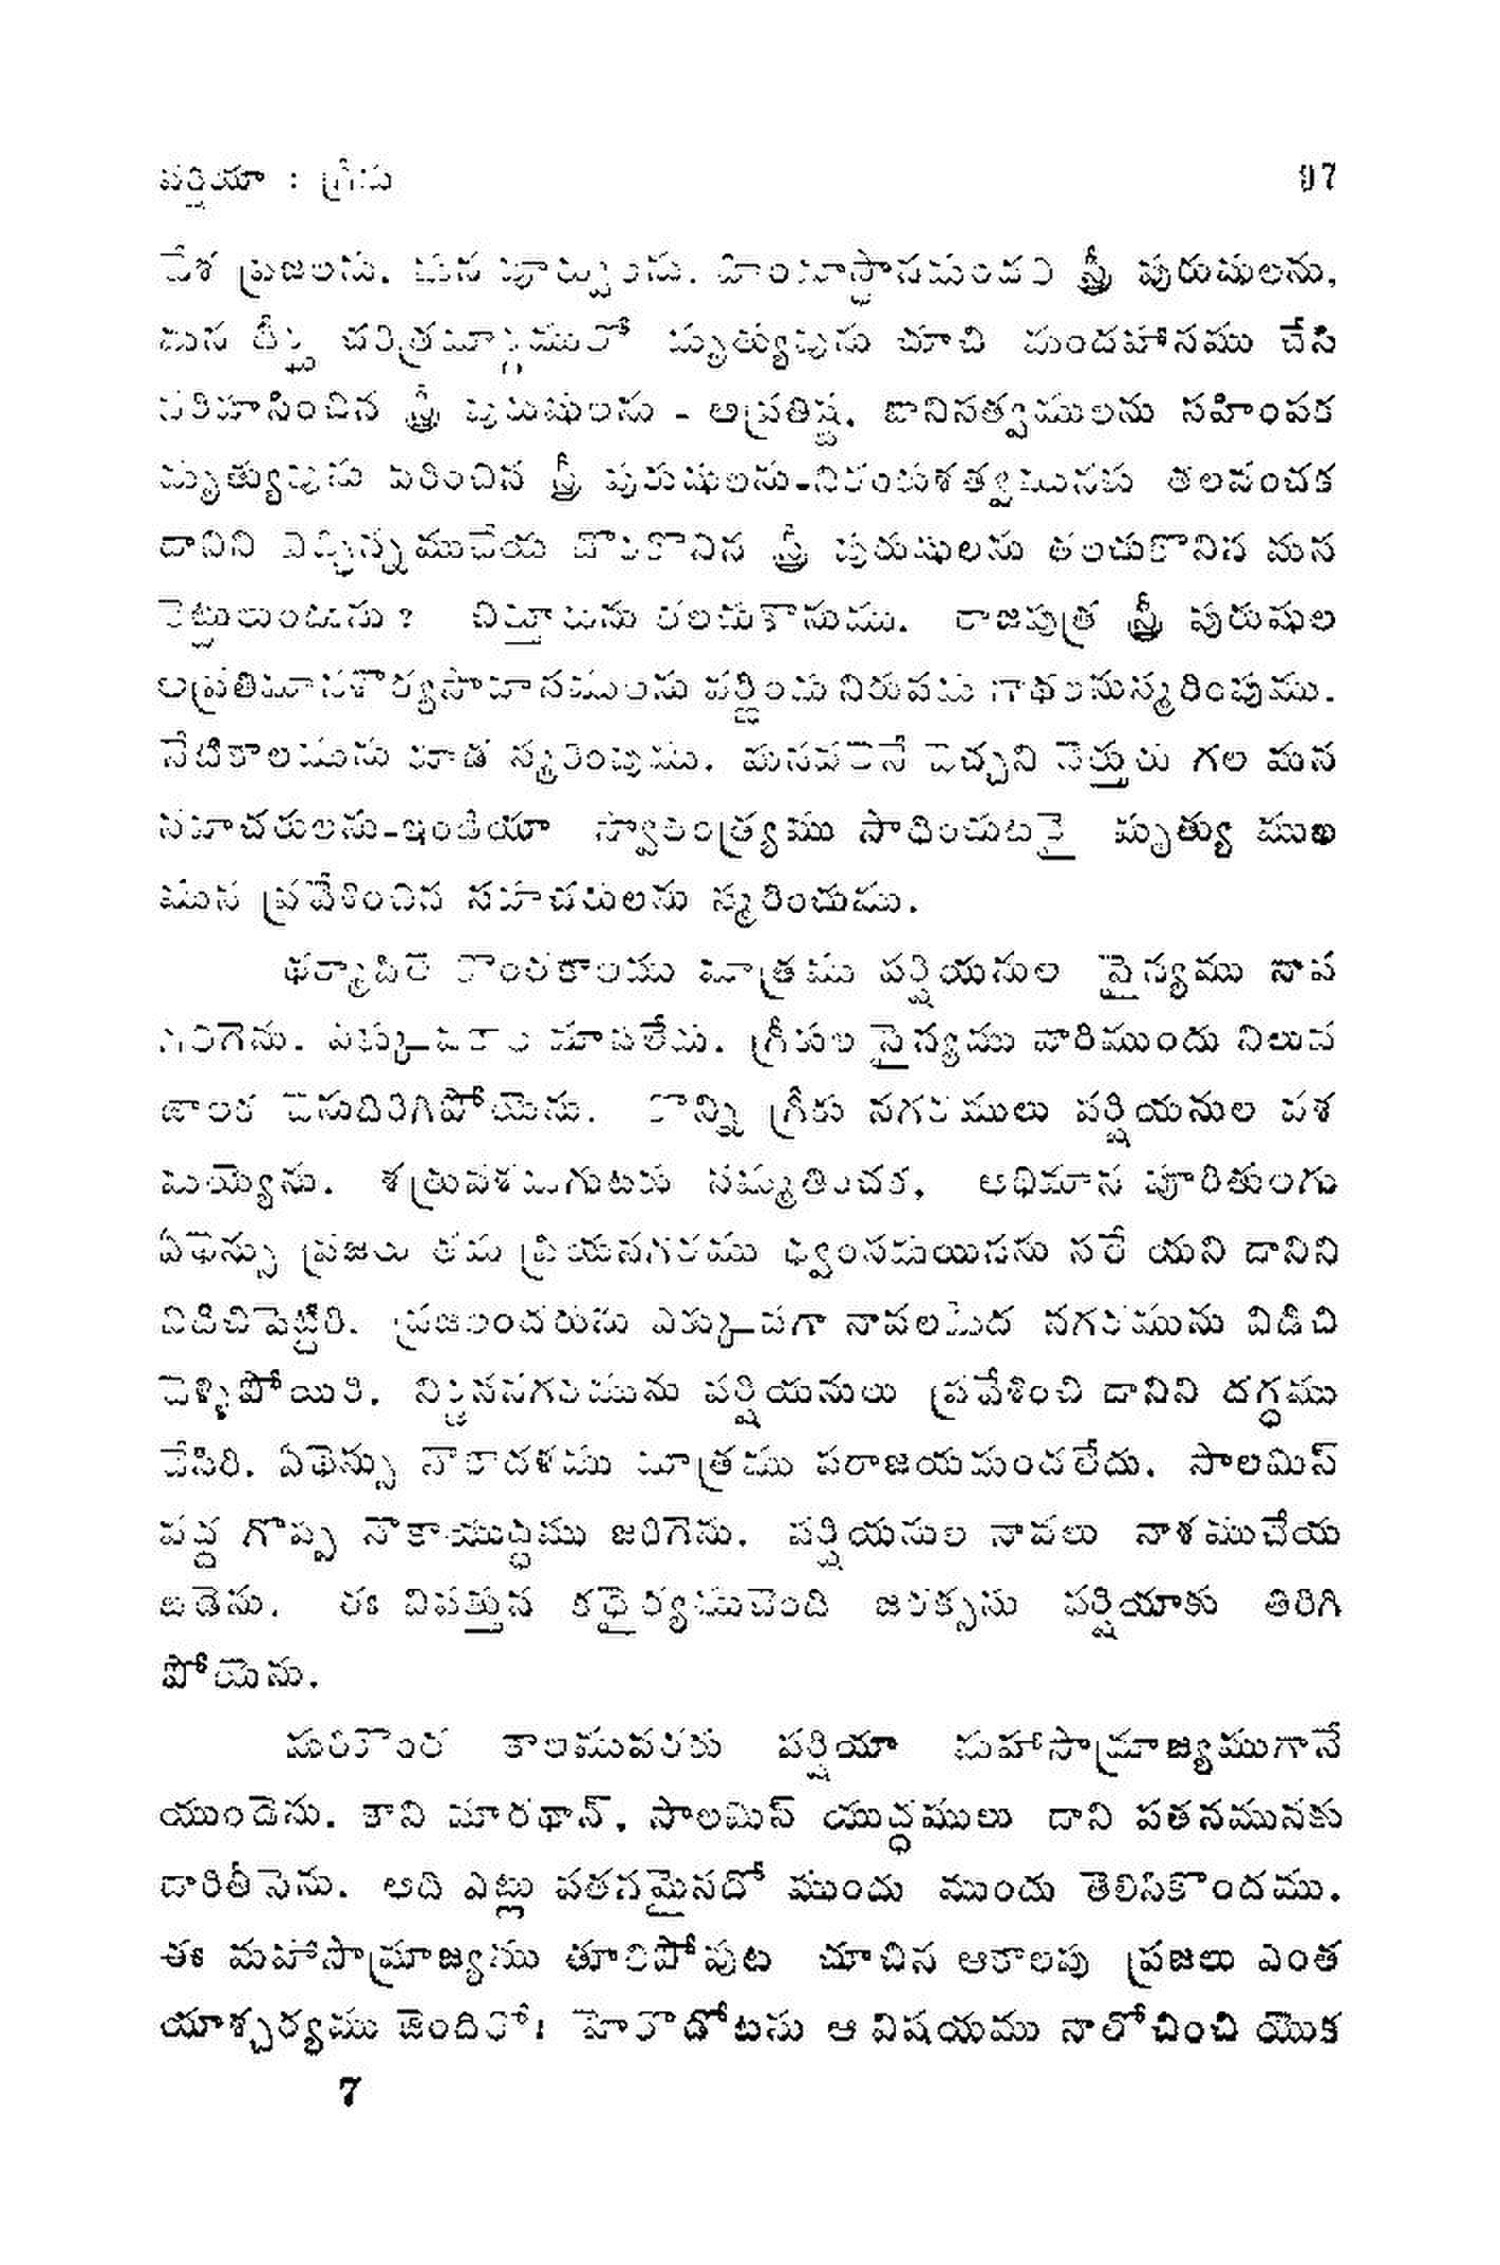దేశ ప్రజలను, మన పూర్వులను, హిందూస్థానమందలి స్త్రీ పురుషులను, మన దీర్ఘ చరిత్రమార్గములో మృత్యువును చూచి మందహాసము చేసి పరిహసించిన స్త్రీ పురుషులను - అప్రతిష్ట, బానిసత్వములను సహింపక మృత్యువును వరించిన స్త్రీ పురుషులను - నిరంకుశత్వమునకు తలవంచక దానిని విచ్చిన్నముచేయ బొరకొనిన స్త్రీ పురుషులను తలచుకొనిన మన మెట్టులుండును? చిత్తూరును తలచుకొనుము. రాజపుత్ర స్త్రీ పురుషుల అప్రతిమానశౌర్యసాహసములను వర్ణించు నిరుపమ గాథలనుస్మరింపుము. నేటికాలమును కూడ స్మరింపుము. మనవలెనే వెచ్చని నెత్తురు గల మన సహచరులను - ఇండియా స్వాతంత్ర్యము సాధించుటకై మృత్యు ముఖమున ప్రవేశించిన సహచరులను స్మరించుము.

థర్మాపిలె కొంతకాలము మాత్రము పర్షియనుల సైన్యము నాపగలిగెను. ఎక్కువకాల మాపలేదు. గ్రీకుల సైన్యము వారిముందు నిలువ జాలక వెనుదిరిగిపోయెను. కొన్ని గ్రీకు నగరములు పర్షియనుల వశమయ్యెను. శత్రువశమగుటకు సమ్మతించక, అభిమాన పూరితులగు ఏథెన్సు ప్రజలు తమ ప్రియనగరము ధ్వంసమయినను సరే యని దానిని విడిచిపెట్టిరి. ప్రజలందరును ఎక్కువగా నావలమీద నగరమును విడిచి వెళ్ళిపోయిరి. నిర్జననగరమును పర్షియనులు ప్రవేశించి దానిని దగ్దము జేసిరి. ఏథెన్సు నౌకాదళము మాత్రము పరాజయమందలేదు. సాలమిస్ వద్ద గొప్ప నౌకాయుద్ధము జరిగెను. పర్షియనుల నావలు నాశముచేయబడెను. ఈ విపత్తున కధైర్యముజెంది జరక్సస్సు పర్షియాకు తిరిగి పోయెను.

మరికొంత కాలమువరకు పర్షియా మహాసామ్రాజ్యముగానే యుండెను. కాని మారథాన్, సాలమిస్ యుద్ధములు దాని పతనమునకు దారితీసెను. అది ఎట్లు పతనమైనదో ముందు ముందు తెలిసికొందము. ఈ మహాసామ్రాజ్యము తూలిపోవుట చూచిన ఆకాలపు ప్రజలు ఎంత యాశ్చర్యము జెందిరో! హెరొడోటసు ఆ విషయము నాలోచించి యొక